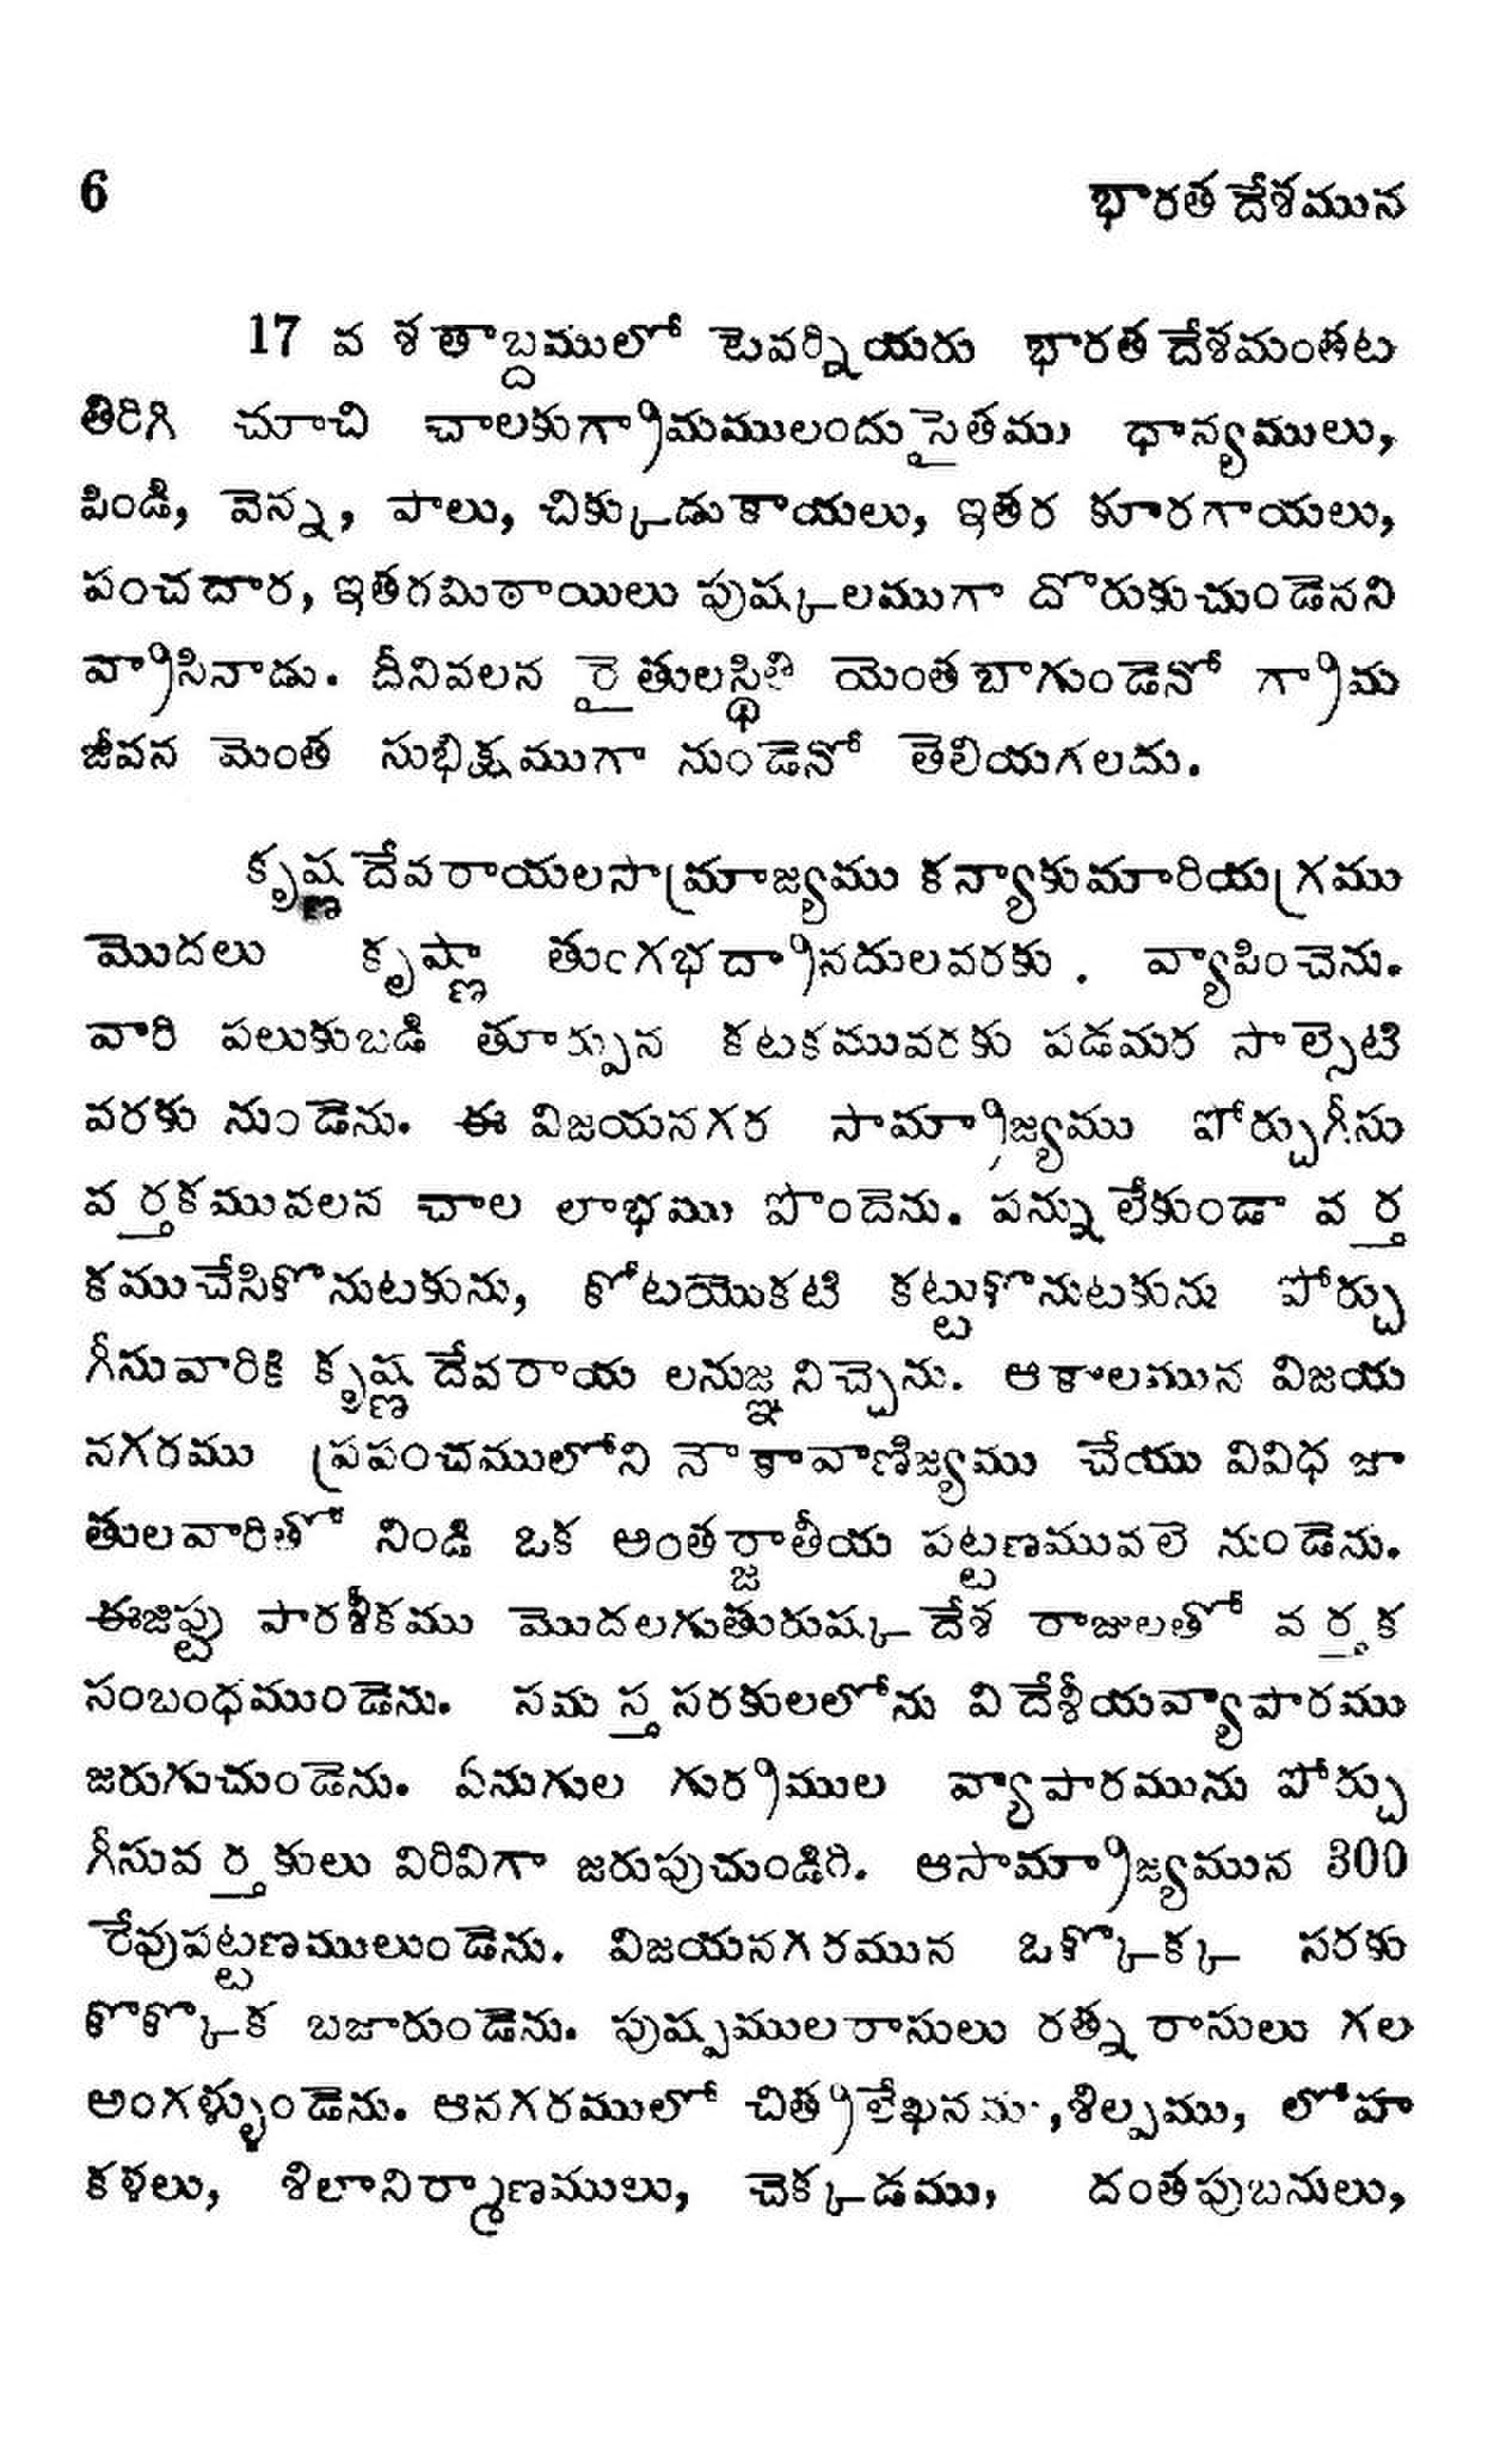17 వ శతాబ్దములో టెవర్నియరు. భారతదేశమంతట తిరిగి చూచి చాలకుగ్రామములందు సైతము ధాన్యములు, పిండి, వెన్న, పాలు, చిక్కుడుకాయలు, ఇతర కూరగాయలు, పంచదార, ఇతరమిఠాయిలు పుష్కలముగా దొరుకుచుండెనని వ్రాసినాడు . దీనివలన రైతులస్థితి యెంతబాగుండెనో గ్రామజీవన మెంత సుభిక్షముగా నుండెనో తెలియగలదు. 

కృష్ణ దేవరాయలసామ్రాజ్యము కన్యాకుమారియగ్రము మొదలు కృష్ణా తుంగభద్రానదులవరకు . వ్యాపించెను. వారి పలుకుబడి తూర్పున కటకమువరకు పడమర సాల్సెటి వరకు నుండెను. ఈ విజయనగర సామాజ్యము పోర్చుగీసు వర్తకము వలన చాల లాభము పొందెను. పన్ను లేకుండా వర్తకముచేసికొనుటకును, కోటయొకటి కట్టుకొనుటకును పోర్చు గీసు వారికి కృష్ణ దేవరాయ లనుజ్ఞ నిచ్చెను. ఆ కాలమున విజయనగరము ప్రపంచములోని నౌకావాణిజ్యము చేయు వివిధ జాతులవారితో నిండి ఒక అంతర్జాతీయ పట్టణమువలె నుండెను. ఈజిప్టు పారశీకము మొదలగుతురుష్క దేశ రాజులతో వర్తక సంబంధముండెను. సమస్త సరకులలోను విదేశీయవ్యాపారము జరుగుచుండెను. ఏనుగుల గుర్రముల వ్యాపారమును పోర్చుగీసువర్తకులు విరివిగా జరుపుచుండిరి. ఆసామ్రాజ్యమున 300 రేవుపట్టణములుండెను. విజయనగరమున ఒక్కొక్క సరకు కొక్కొక బజారుండెను. పుష్పముల రాసులు రత్న రాసులు గల అంగళ్ళుండెను. ఆనగరములో చిత్రలేఖనము, శిల్పము, లోహ కళలు, శిలానిర్మాణములు, చెక్కడము, దంతపుబనులు,